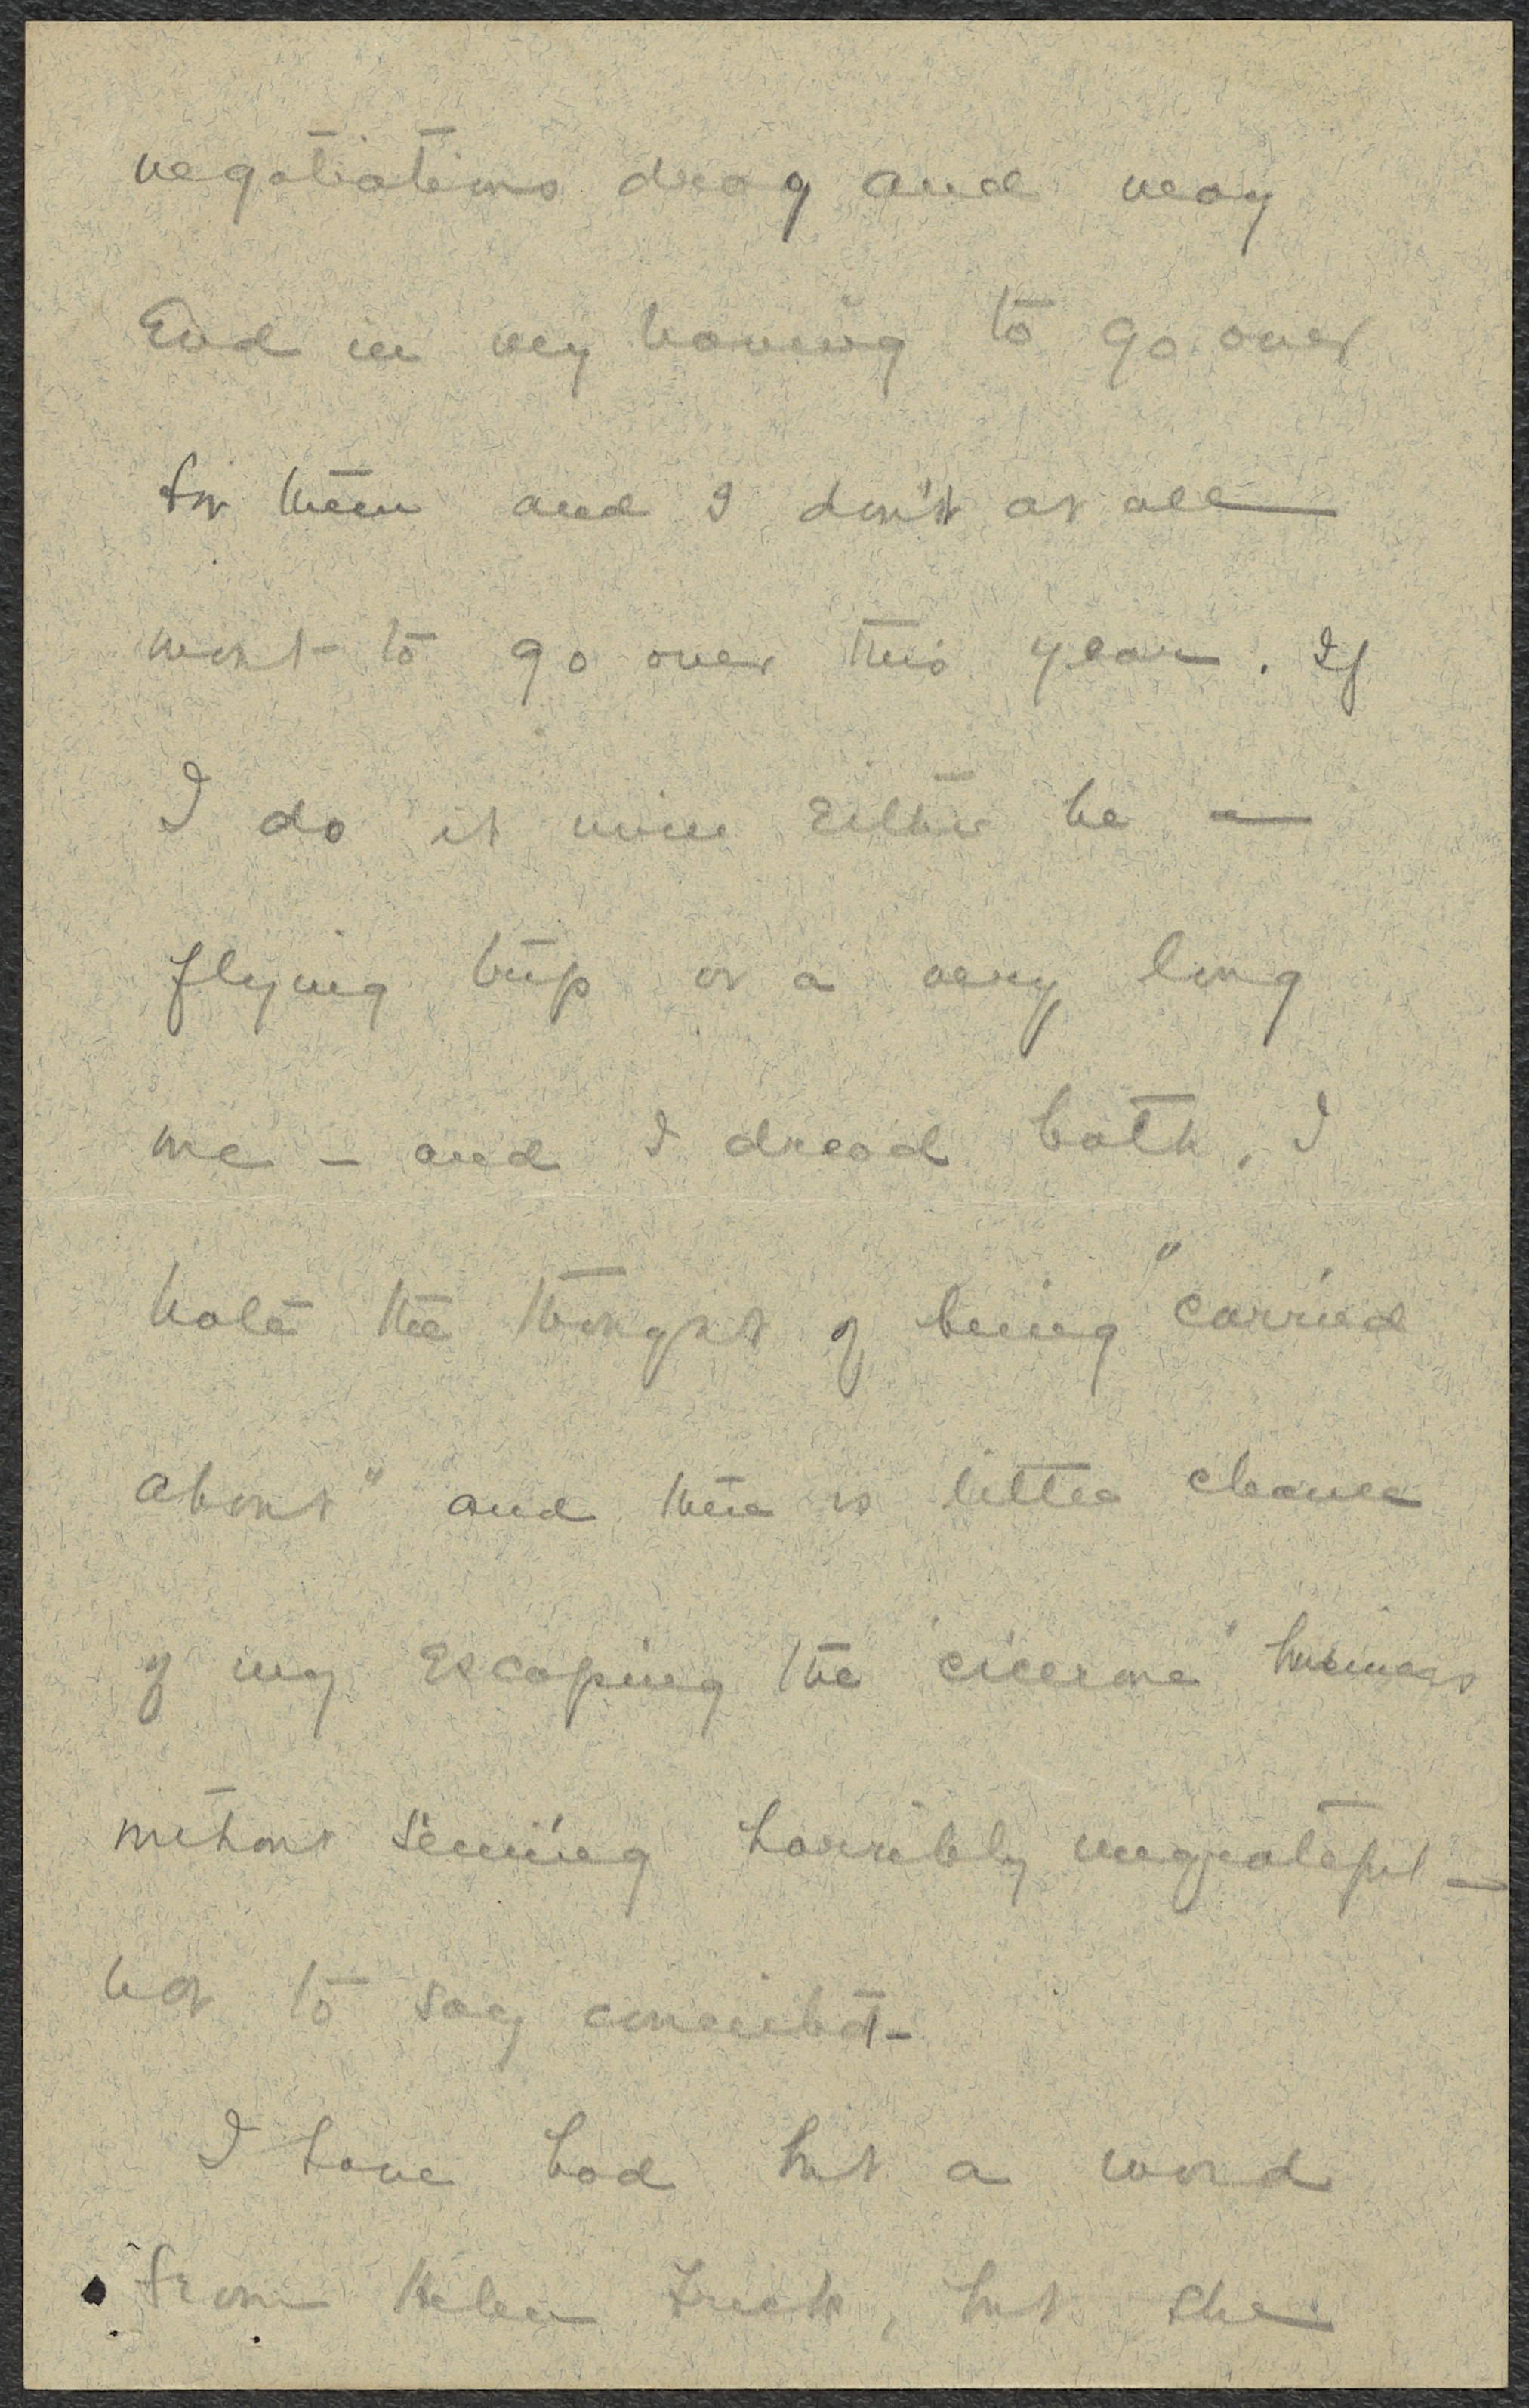negotiations drag and may end in my having to go over for them and I don't at all want to go over this year. If I do it will either be a flying trip or a very long one – and I dread both. I hate the thought of being "carried about" and there is little chance of my escaping the 'cicerone' business without seeming horribly ungrateful – not to say conceited –
I have had but a word from Helen Frick, but she